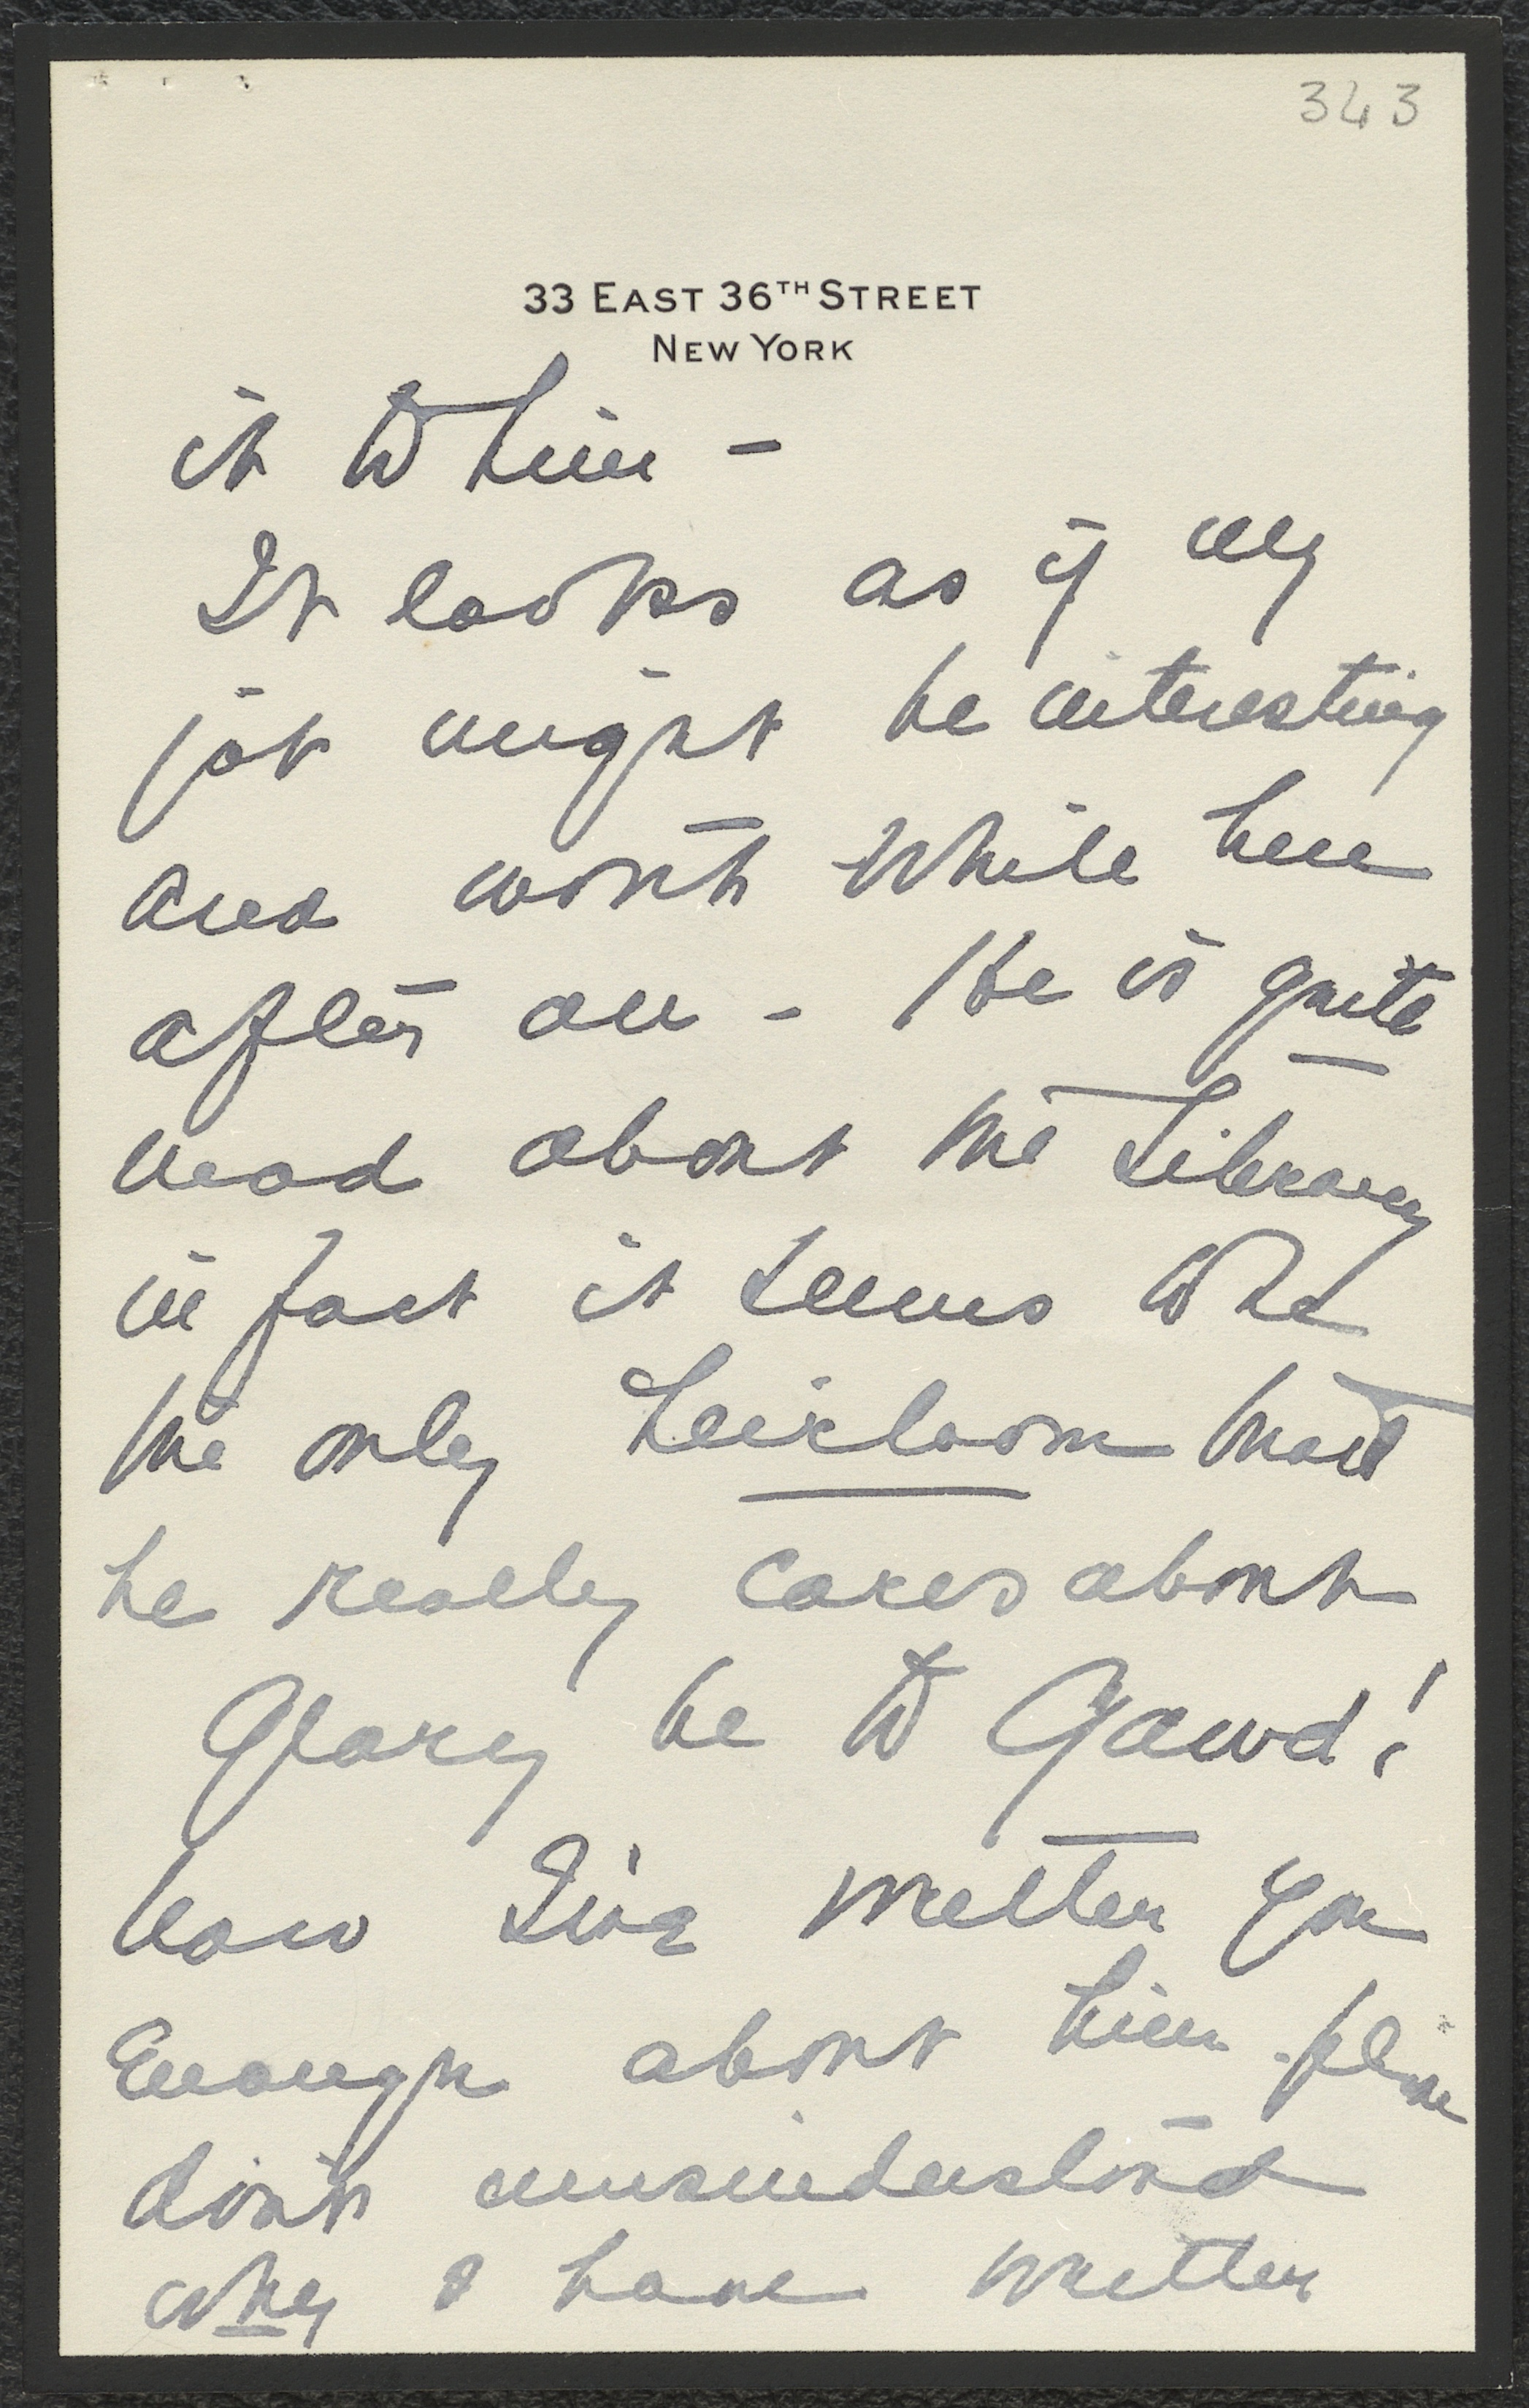it to him –
It looks as if my job might be interesting and worth while here after all – He is quite mad about the Library in fact it seems to be the only heirloom that he really cares about –
Glory be to Gawd! Now I’ve written you enough about him – please don’t misunderstand why I have written